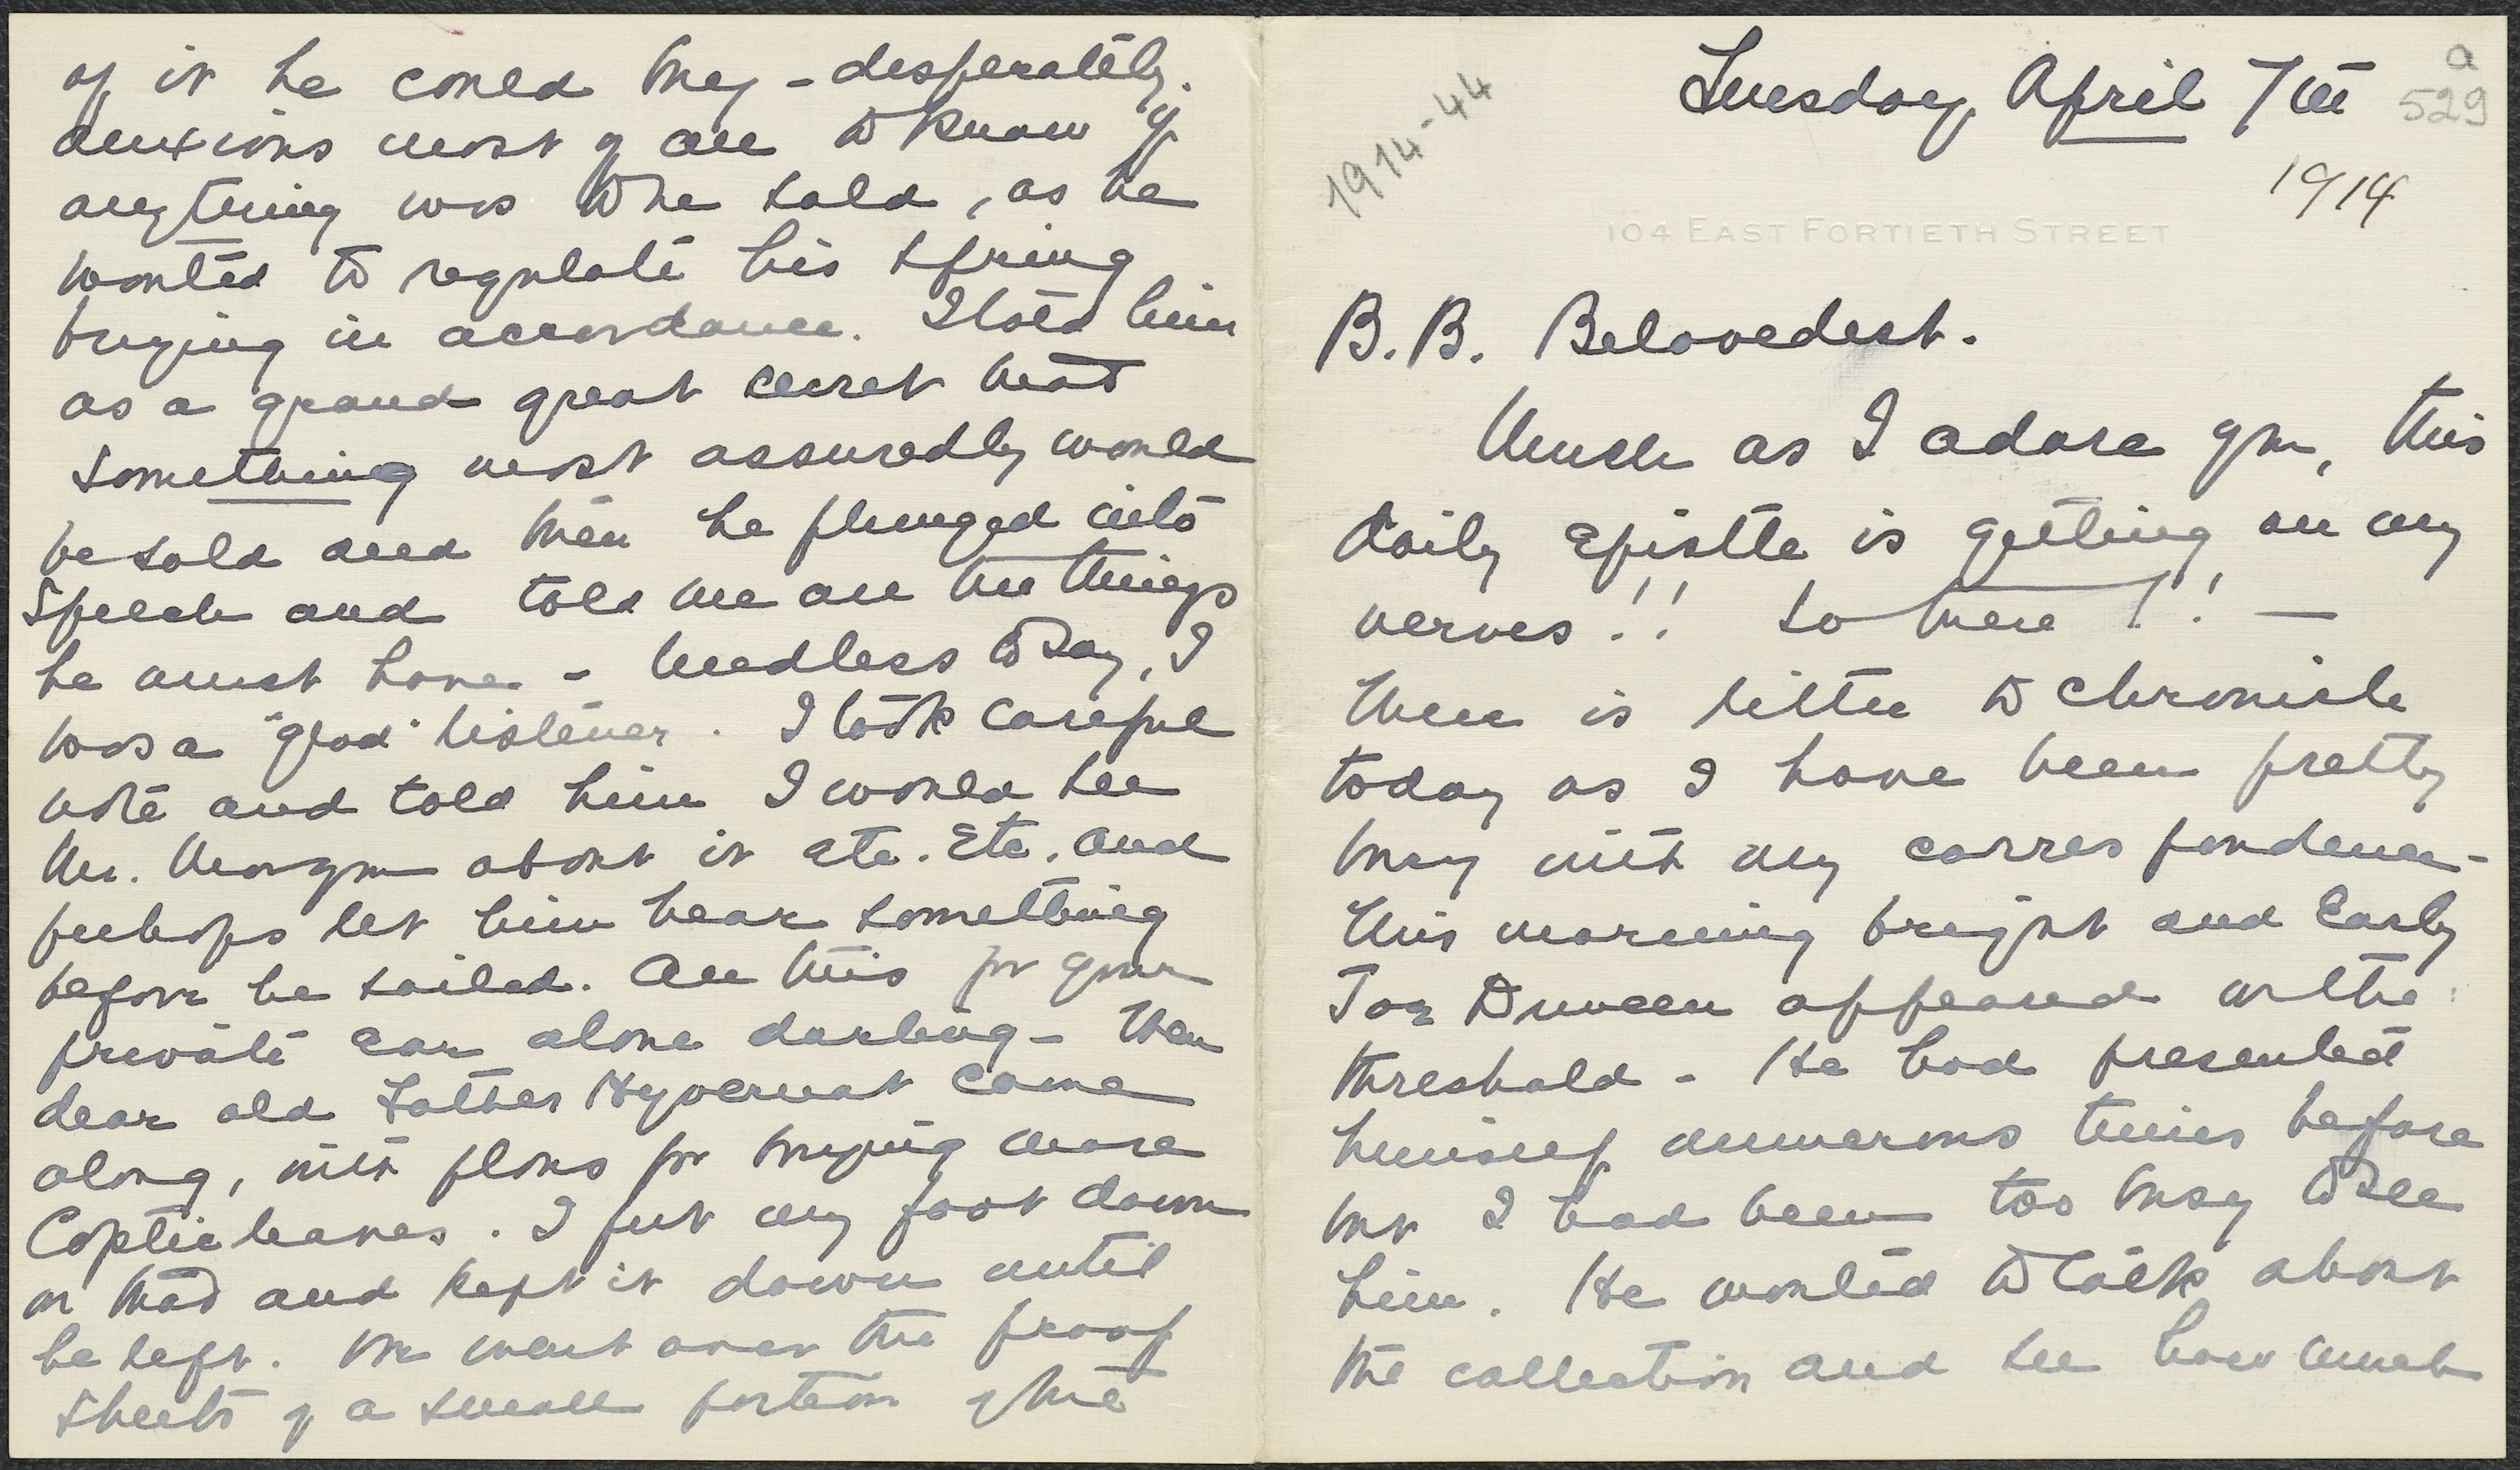Tuesday April 7th
B.B. Belovedest –
Much as I adore you, this daily epistle is getting on my nerves!! So there!!! –
There is little to chronicle today as I have been pretty busy with my correspondence – this morning bright and early Joe Duveen appeared on the threshold – He had presented himself numerous times before but I had been too busy to see him. He wanted to talk about the collection and see how much
of it he could buy – desperately anxious most of all to know if anything was to be sold, as he wanted to regulate his spring buying in accordance. I told him as a grand great secret that something most assuredly would be sold and then he plunged into speech and told me all the things he must have – needless to say, I was a “glad” listener. I took careful note and told him I would see Mr. Morgan about it etc.etc. and perhaps let him hear something before he sailed. All this for your private ear alone darling – then dear old Father Hyvernat came along, with plans for buying more Coptic leaves. I put my foot down on that and kept it down until he left. We went over the proof sheets of a small portion of the